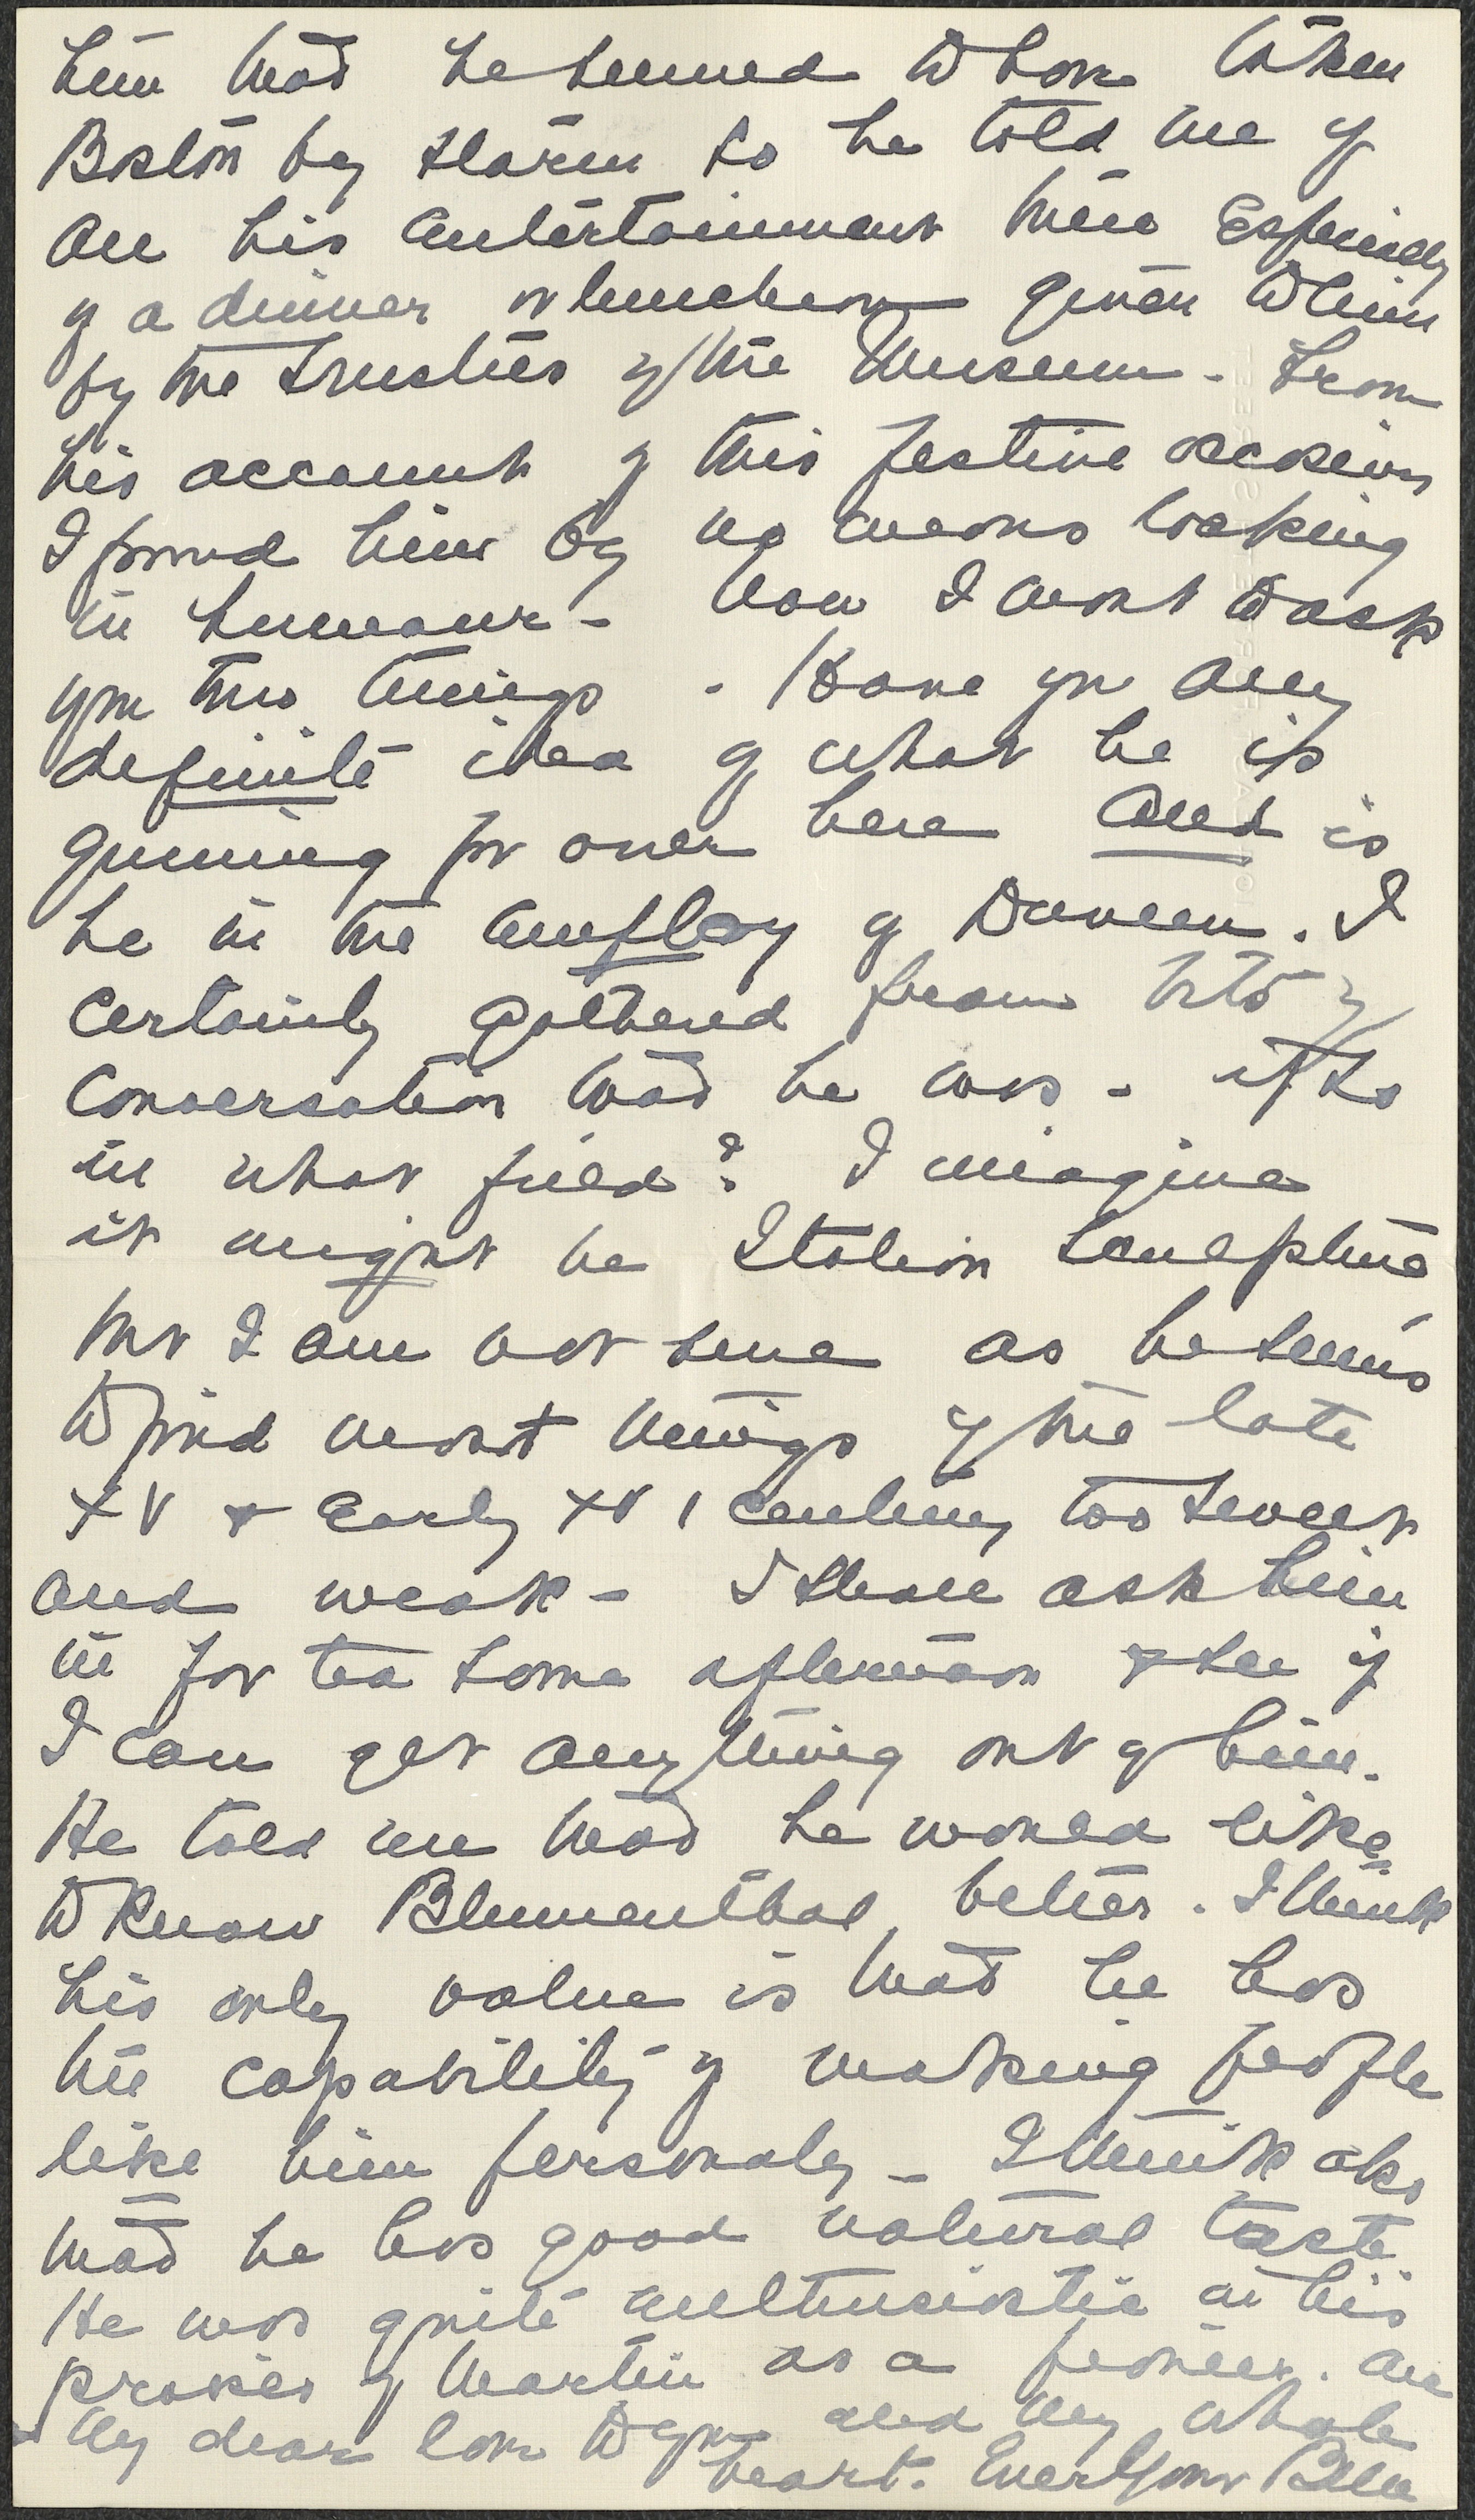him that he seemed to have taken Boston by storm so he told me if all his entertainment there especially of a dinner or luncheon given to him by the Trustees of the Museum – From his account of this festive occasion I found him by no means lacking in humour – Now I want to ask you two things – Have you any definite idea of what he is gunning for over here and is he in the employ of Duveen. I certainly gathered from bits of conversation that he was – If so in what field? I imagine it might be Italian sculpture, but I am not sure as he seems to find most things of the late VX & early XVI century too sweet and weak – I shall ask him in for tea some afternoon & see if I can get anything out of him. He told me that he would like to know Blumenthal better. I think his only value is that he has the capability of making people like him personaly [sic] – I think also that he has good natural taste. He was quite enthusiastic in his praises of Martin as a pioneer. All my dear love to you and my whole heart. Ever Your Belle